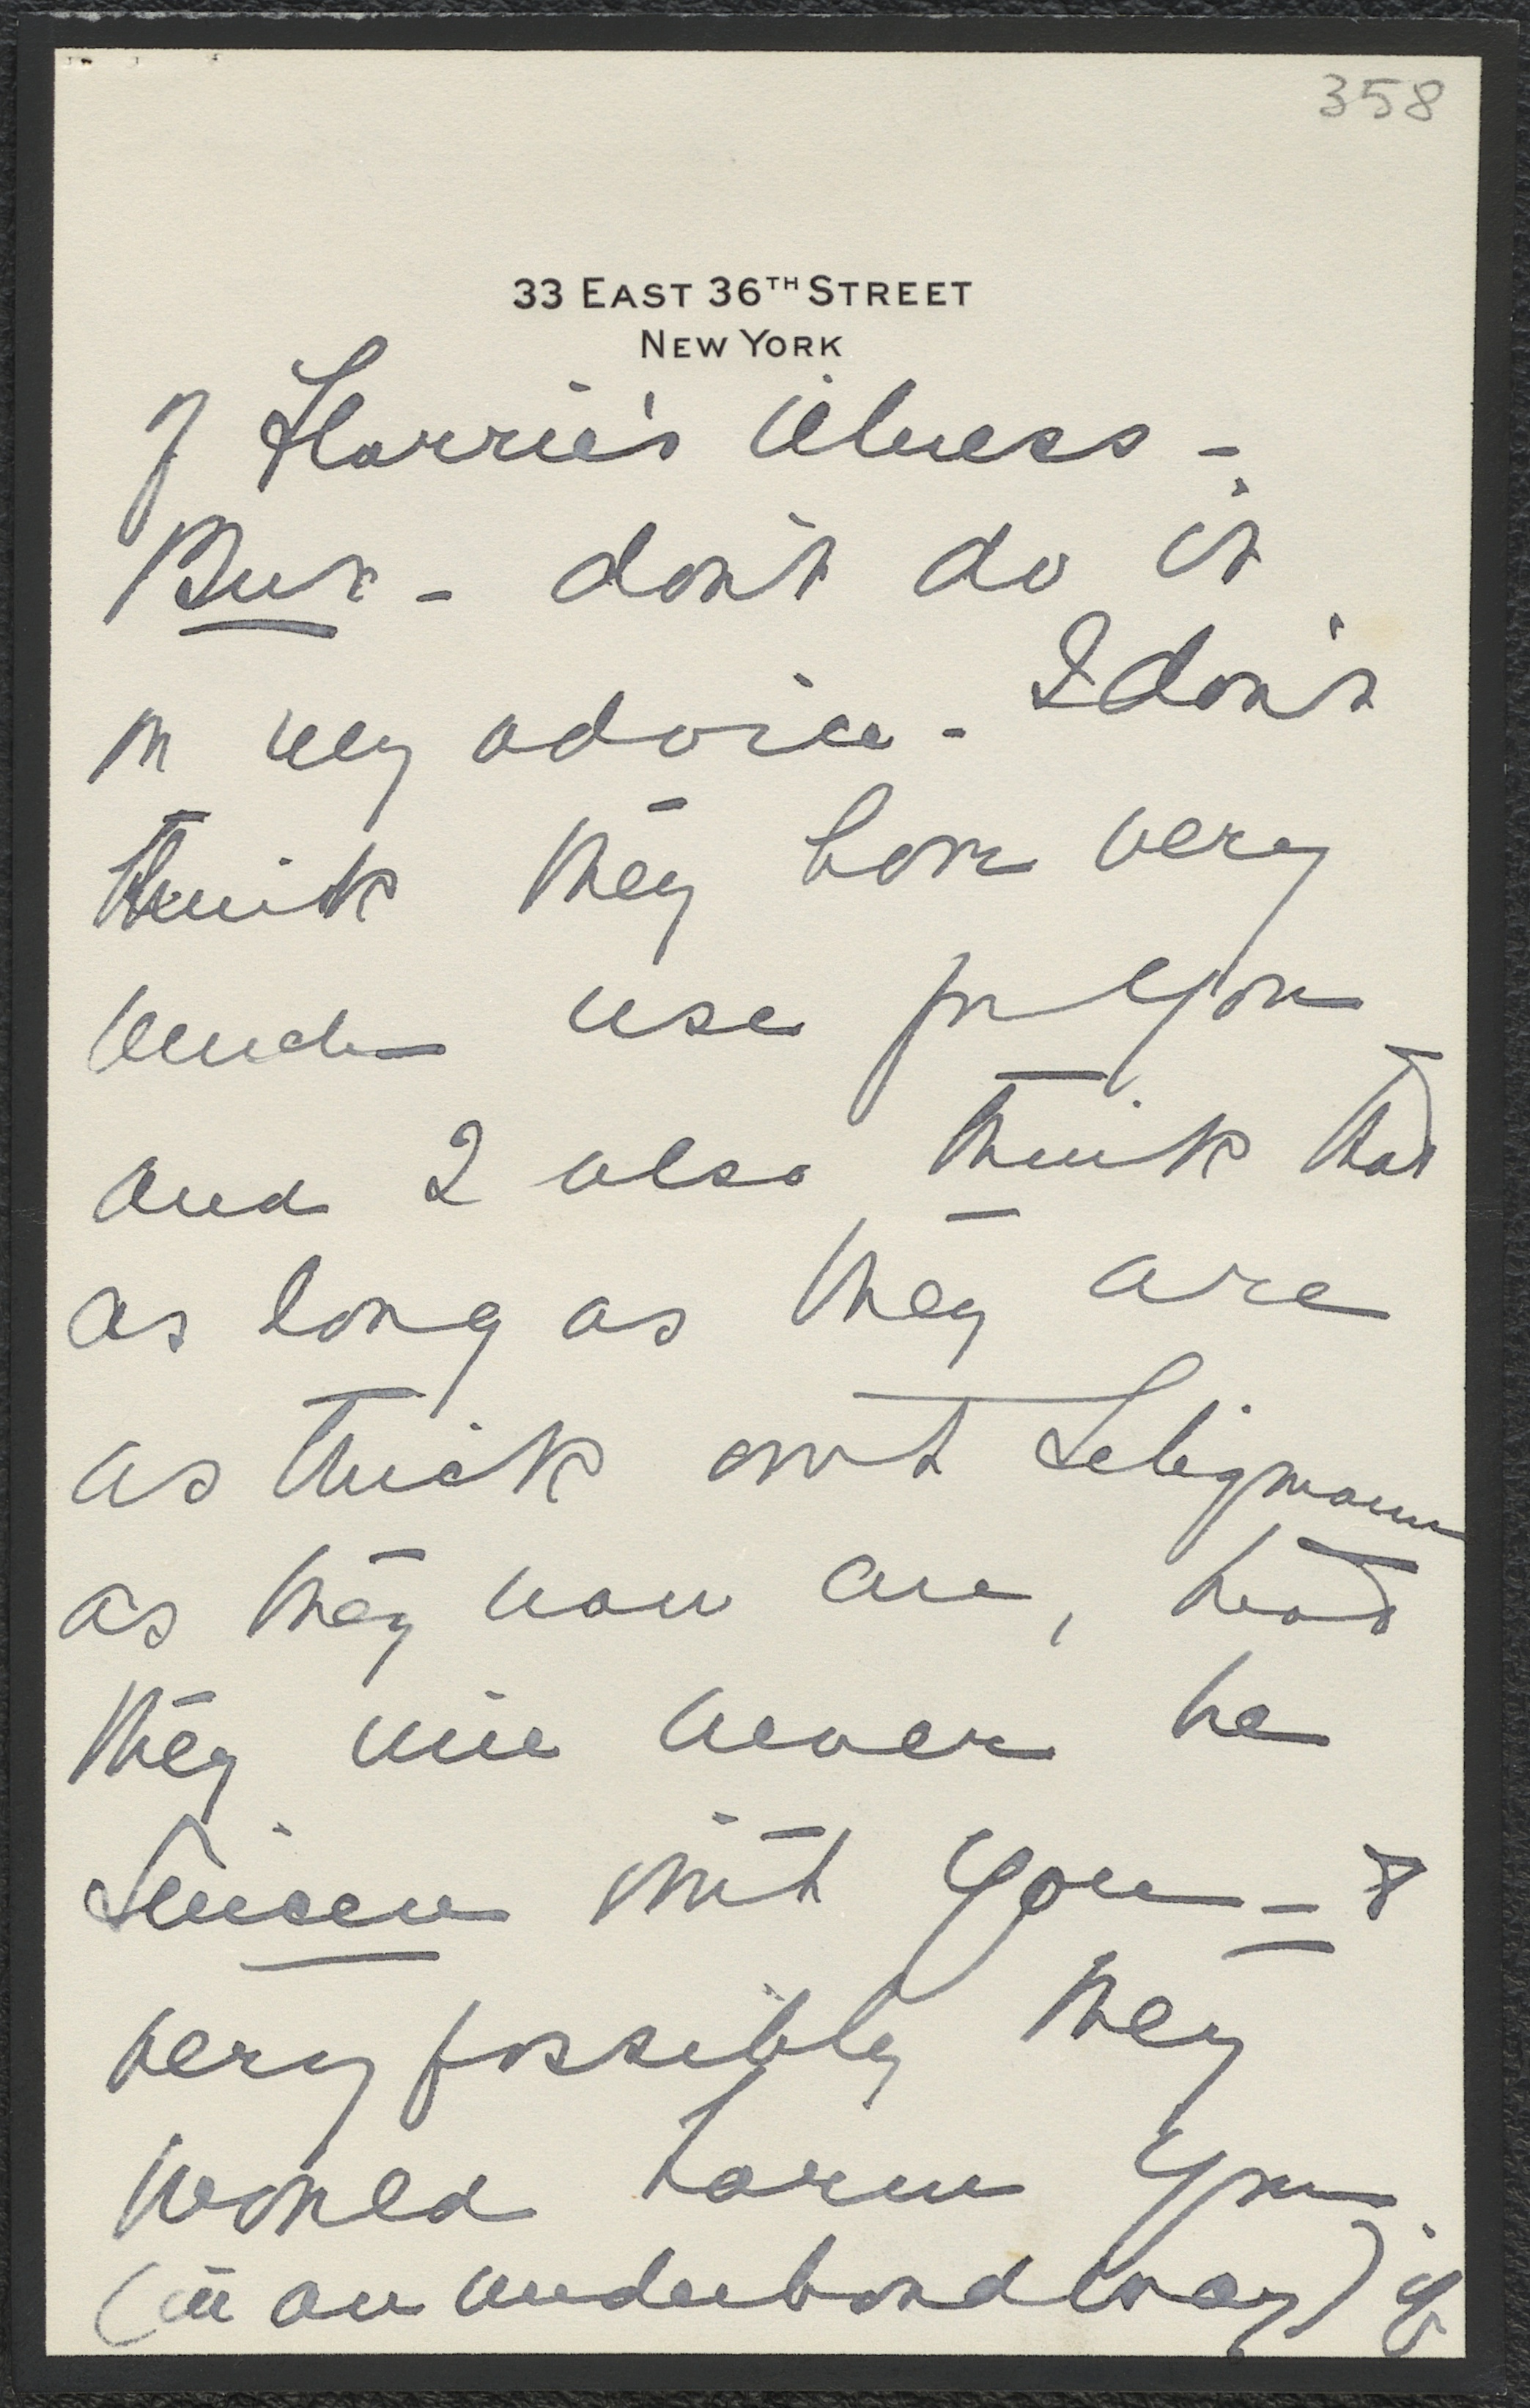of Florrie’s illness – But – don’t do it on my advice. I don’t think they have very much use for you and I also think that as long as they are as thick with Seligmann as they now are, that they will never be sincere with you – & very possibly they would harm you (in an underhand way) if